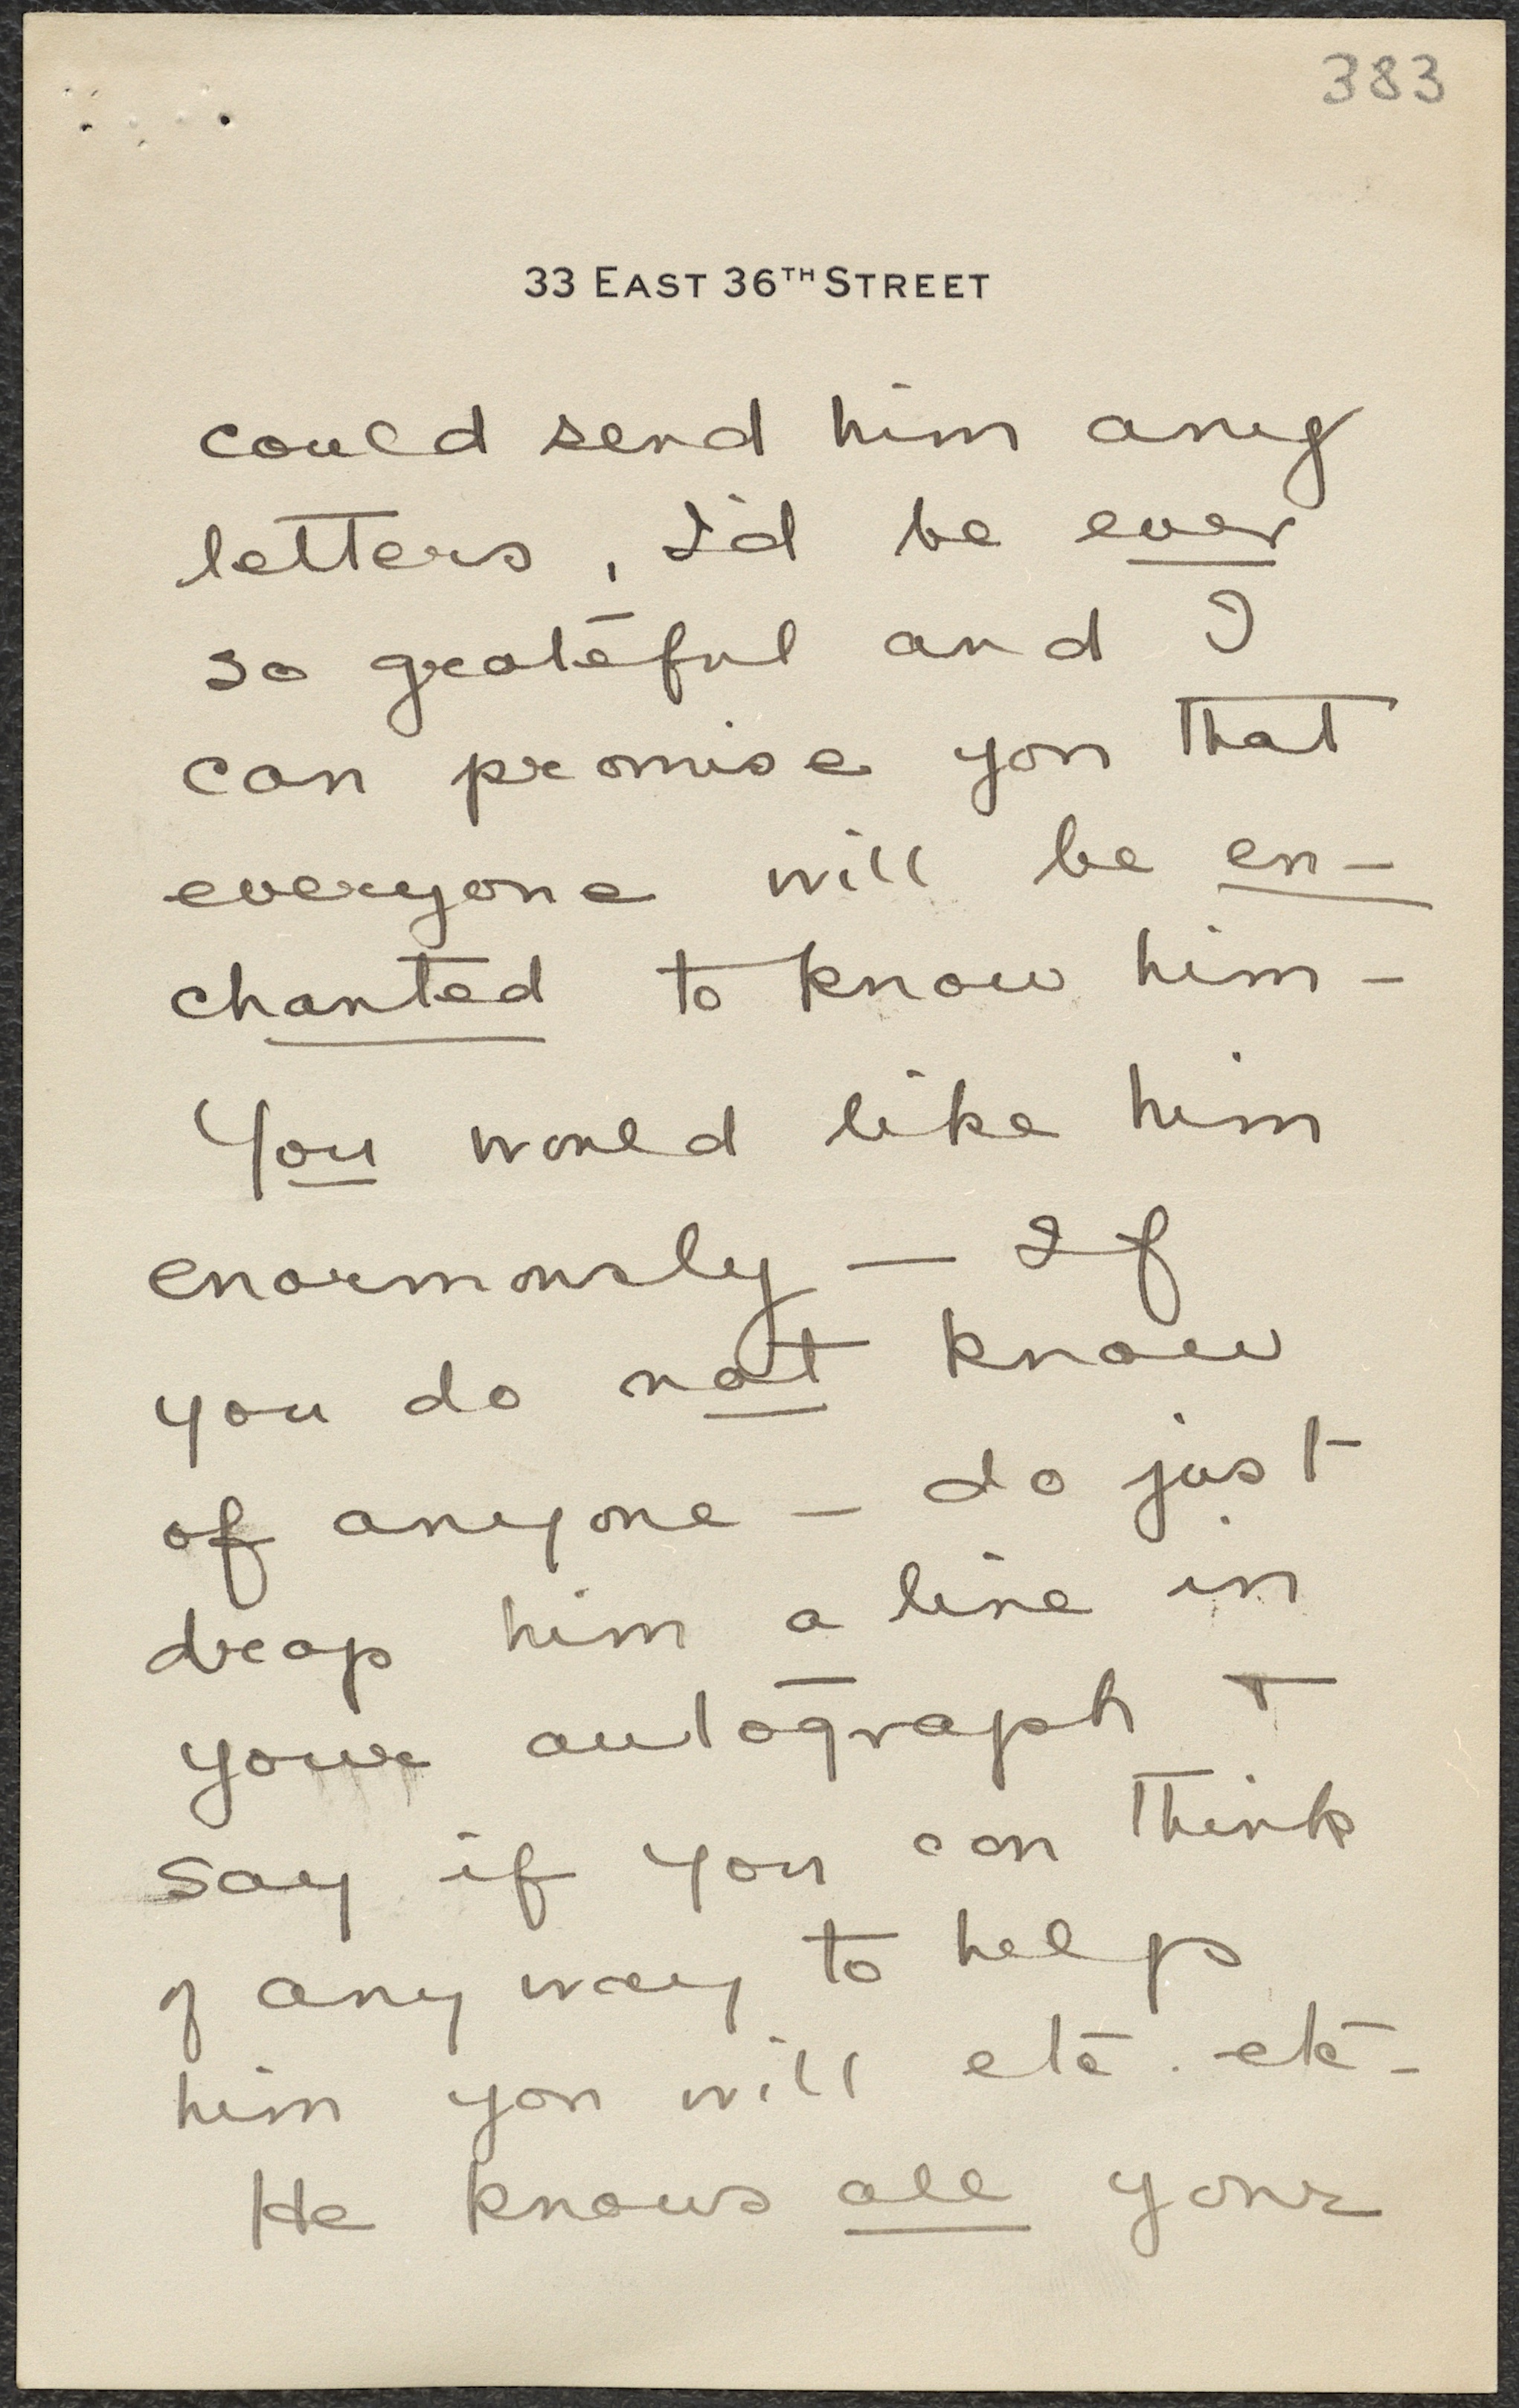could send him any letters, I’d be ever so grateful and I can promise you that everyone will be enchanted to know him –
You would like him enormously – If you do not know of anyone – do just drop him a line in your autograph & say if you can think of any way to help him you will etc. etc –
He knows all your